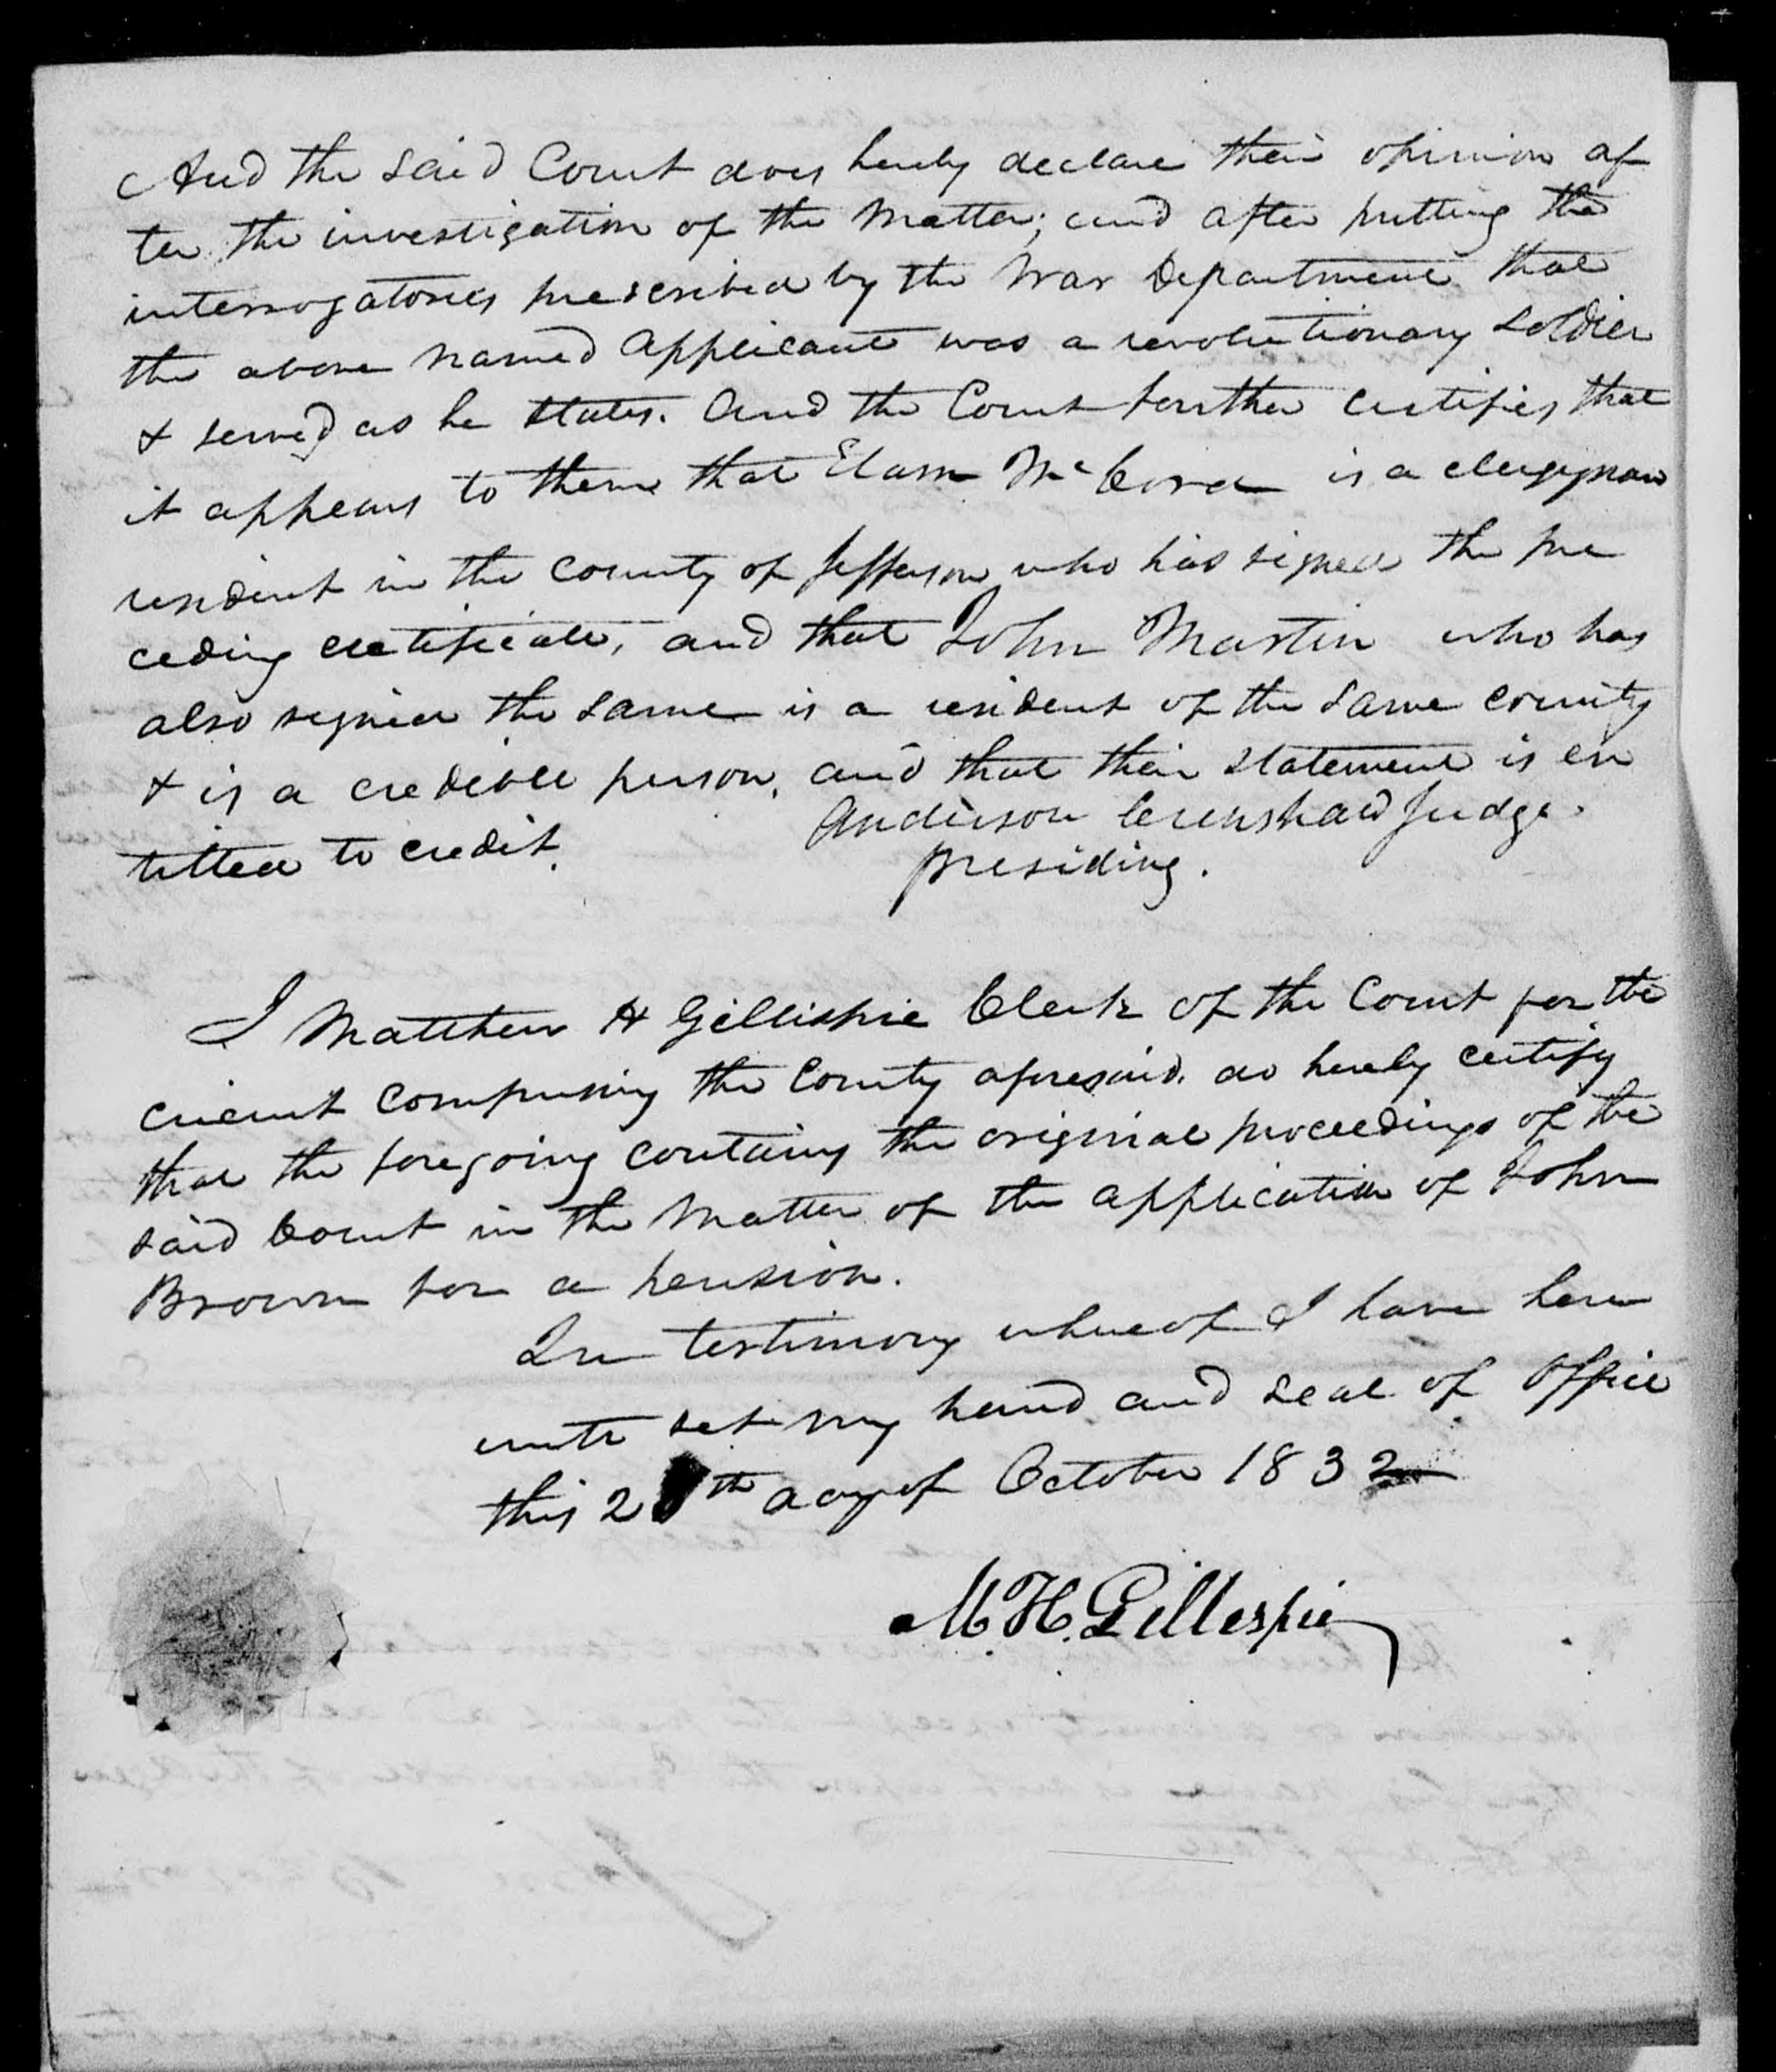And the said court does hereby declare their opinion after the investigation of the matter; and after vetting the interrogations presented by the war department that the above named applicant was a revolutionary soldier and served as he states.  And the court further certifies that it appears to them that Elam McCord is a clergyman resident in the county of Jefferson who has signed the preceding certificate, and that John Martin who has also signed the same is a resident of the same county and is a credible person, and that their statement is entitled to credit.  

Anderson Crenshaw
Judge presiding

I Matthew H. Gillispie Clerk of the Court for the 
circuit comprising the county aforesaid as hereby certify that the foregoing contains the original proceedings of the said court in the matter of the application of John Brown for a pension.

In testimony which I have here set my hand and seal of office this 27th day of October 1832.

M. H. Gillespie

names: M H Gillespie, John Brown, Matthew H Gillispie, Anderson, John Martin, Elam Mccord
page: 9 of 85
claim: widow's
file: W. 5,906, John Brown, S.C.